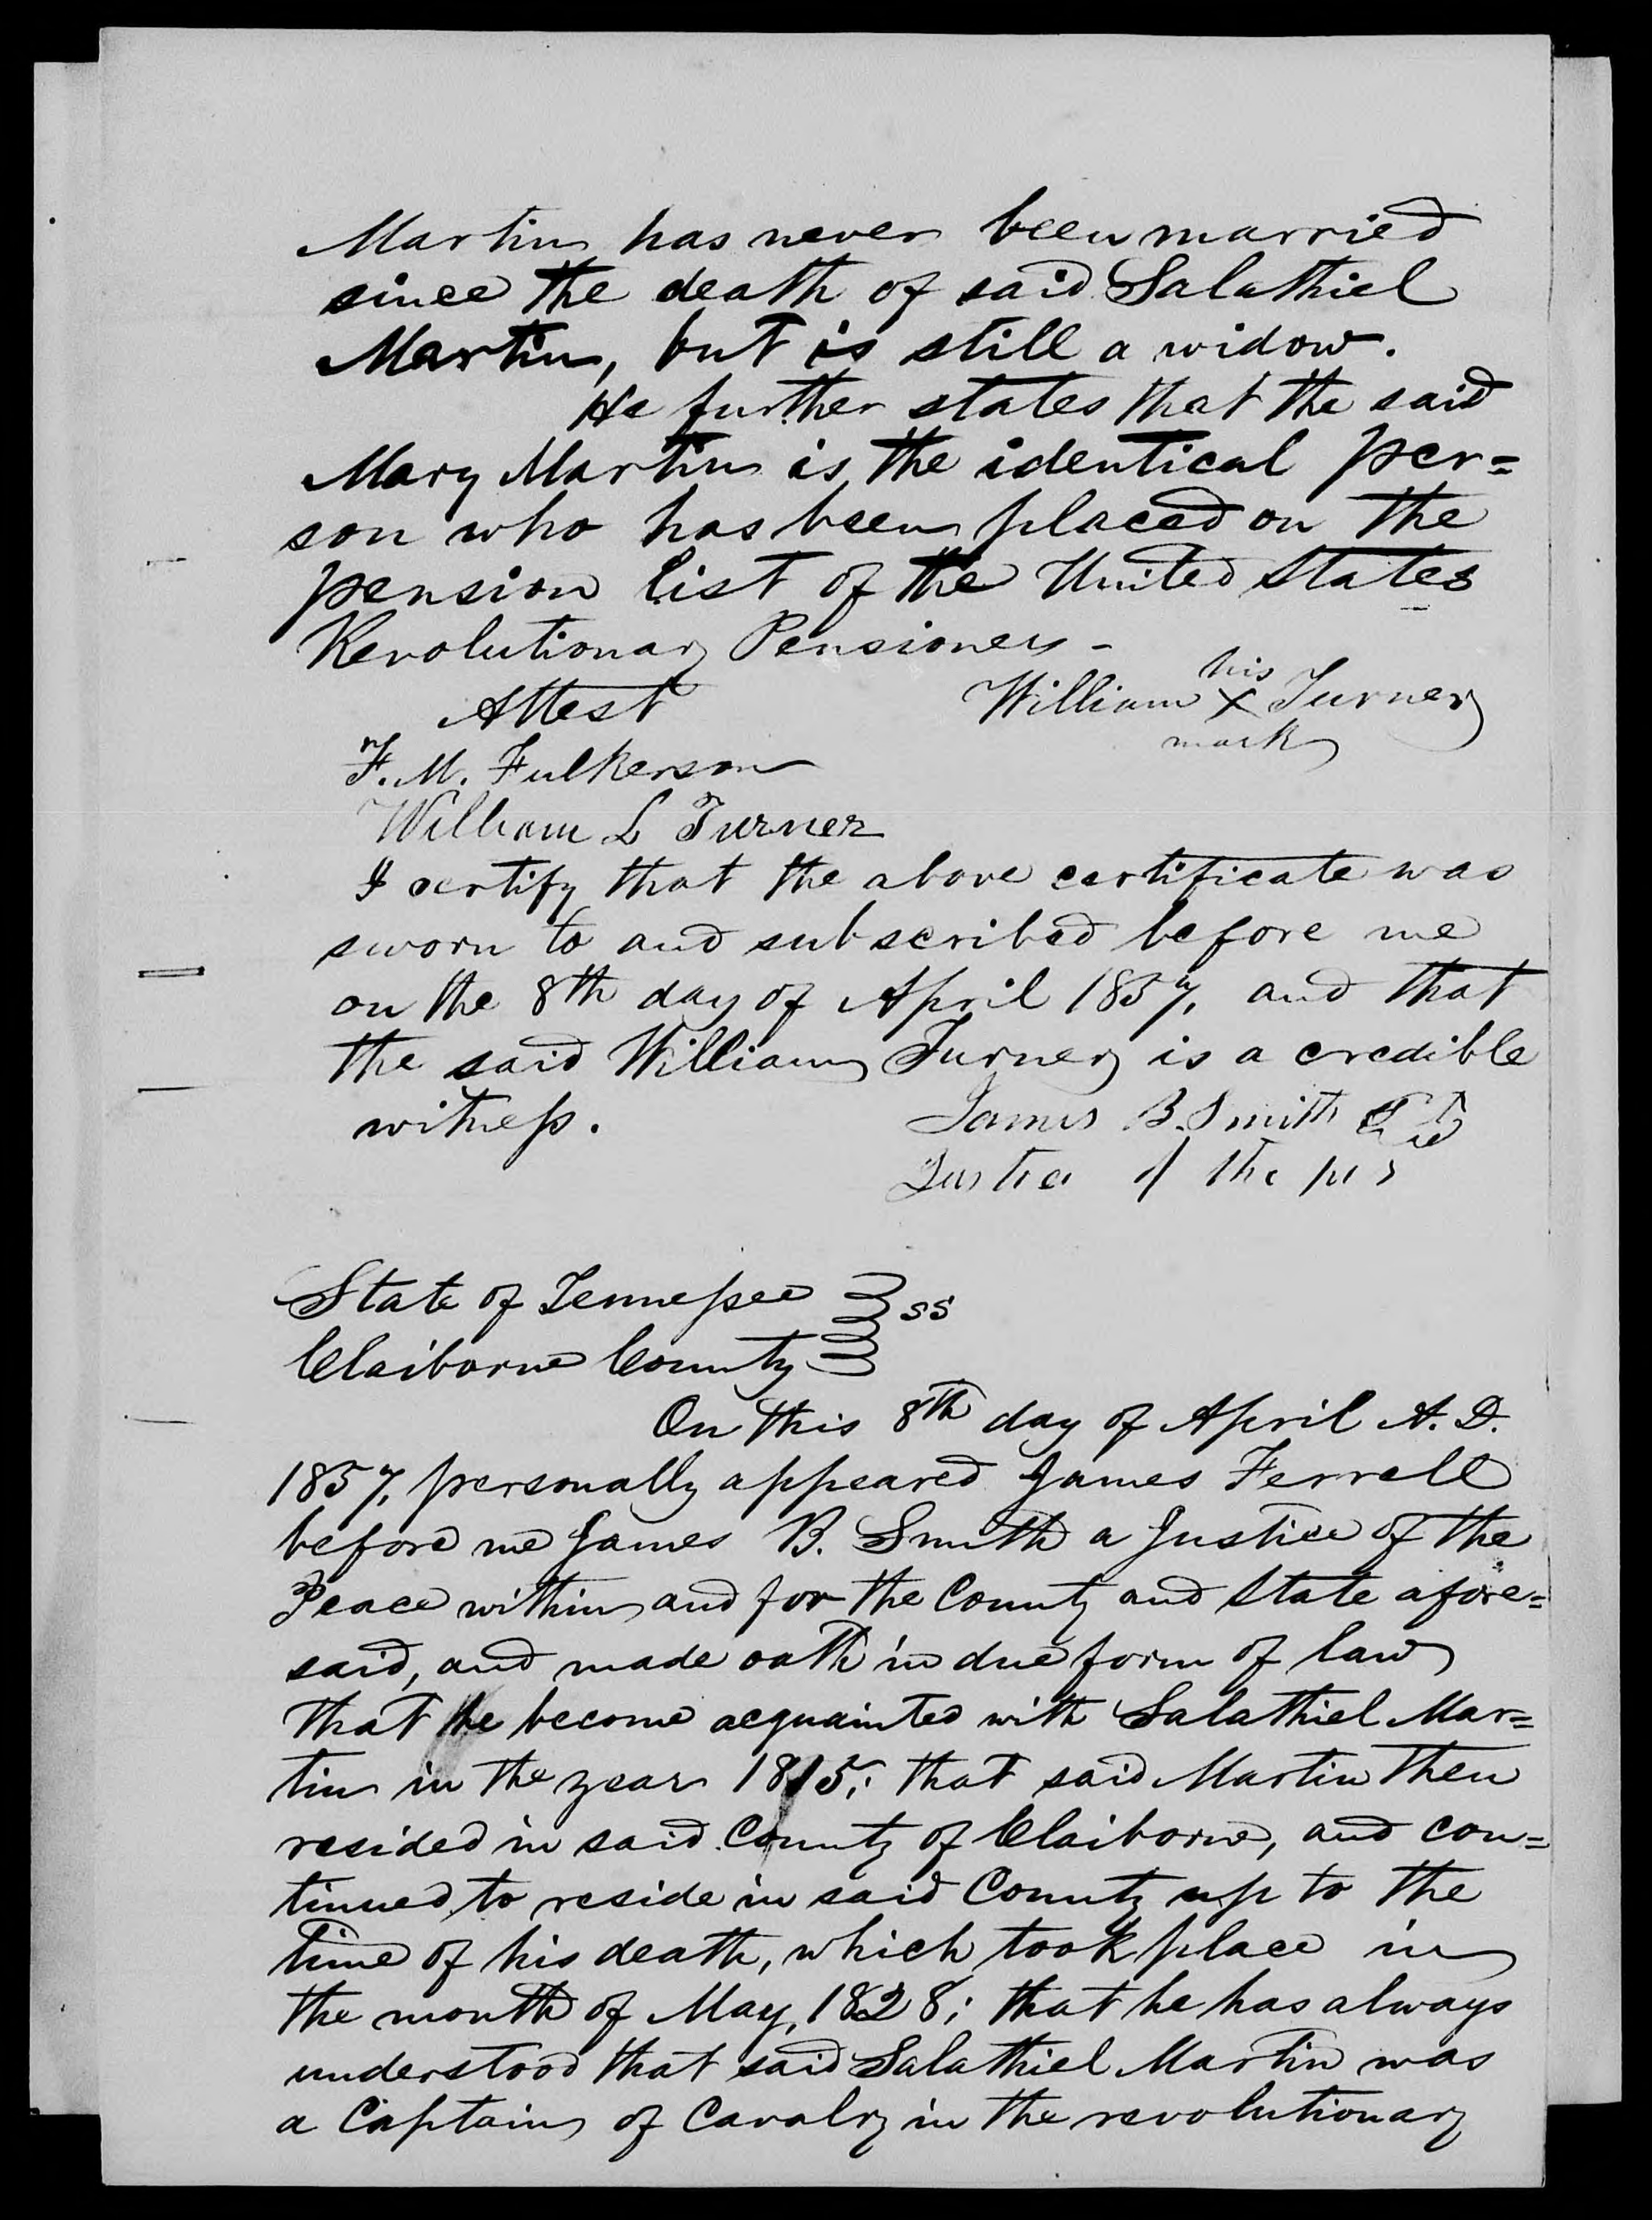Martin has never been married 
since the death of said Salathiel 
Martin, but is still a widow. 
He further states that the said 
Mary Martin is the identical per=
son who has been placed on the 
pension list of the United States 
Revolutionary Pensioners.
William his X mark Turner 
Attest 
F. M. Fulkerson 
William L Turner 
I certify that the above certificate was 
sworn to and subscribed before me 
on the 8th day of April 1857, and that 
the said William Turner is a credible 
witness. 
James B Smith (seal} 
Justice of the pes [peace] 

State of Tennessee )
Claiborne County    )ss
On this 8th day of April A.D. 
1857, personally appeared James Ferrell 
before me James B. Smith a Justice of the Peace within and for the County and State
afore=
said, and made oath in due form of law 
That he became acquainted with Salathiel Mar=
tin in the year 1815; that said Martin then resided in said County of Claiborne, and con=
tinued to reside in said County up to the time of his death, which took place in 
the month of May, 1828; that he has always understood that said Salathiel Martin was 
a Captain of Cavalry in the revolutionary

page: 13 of 120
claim: widow's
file: W. 1044, for Salathiel Martin, North Carolina